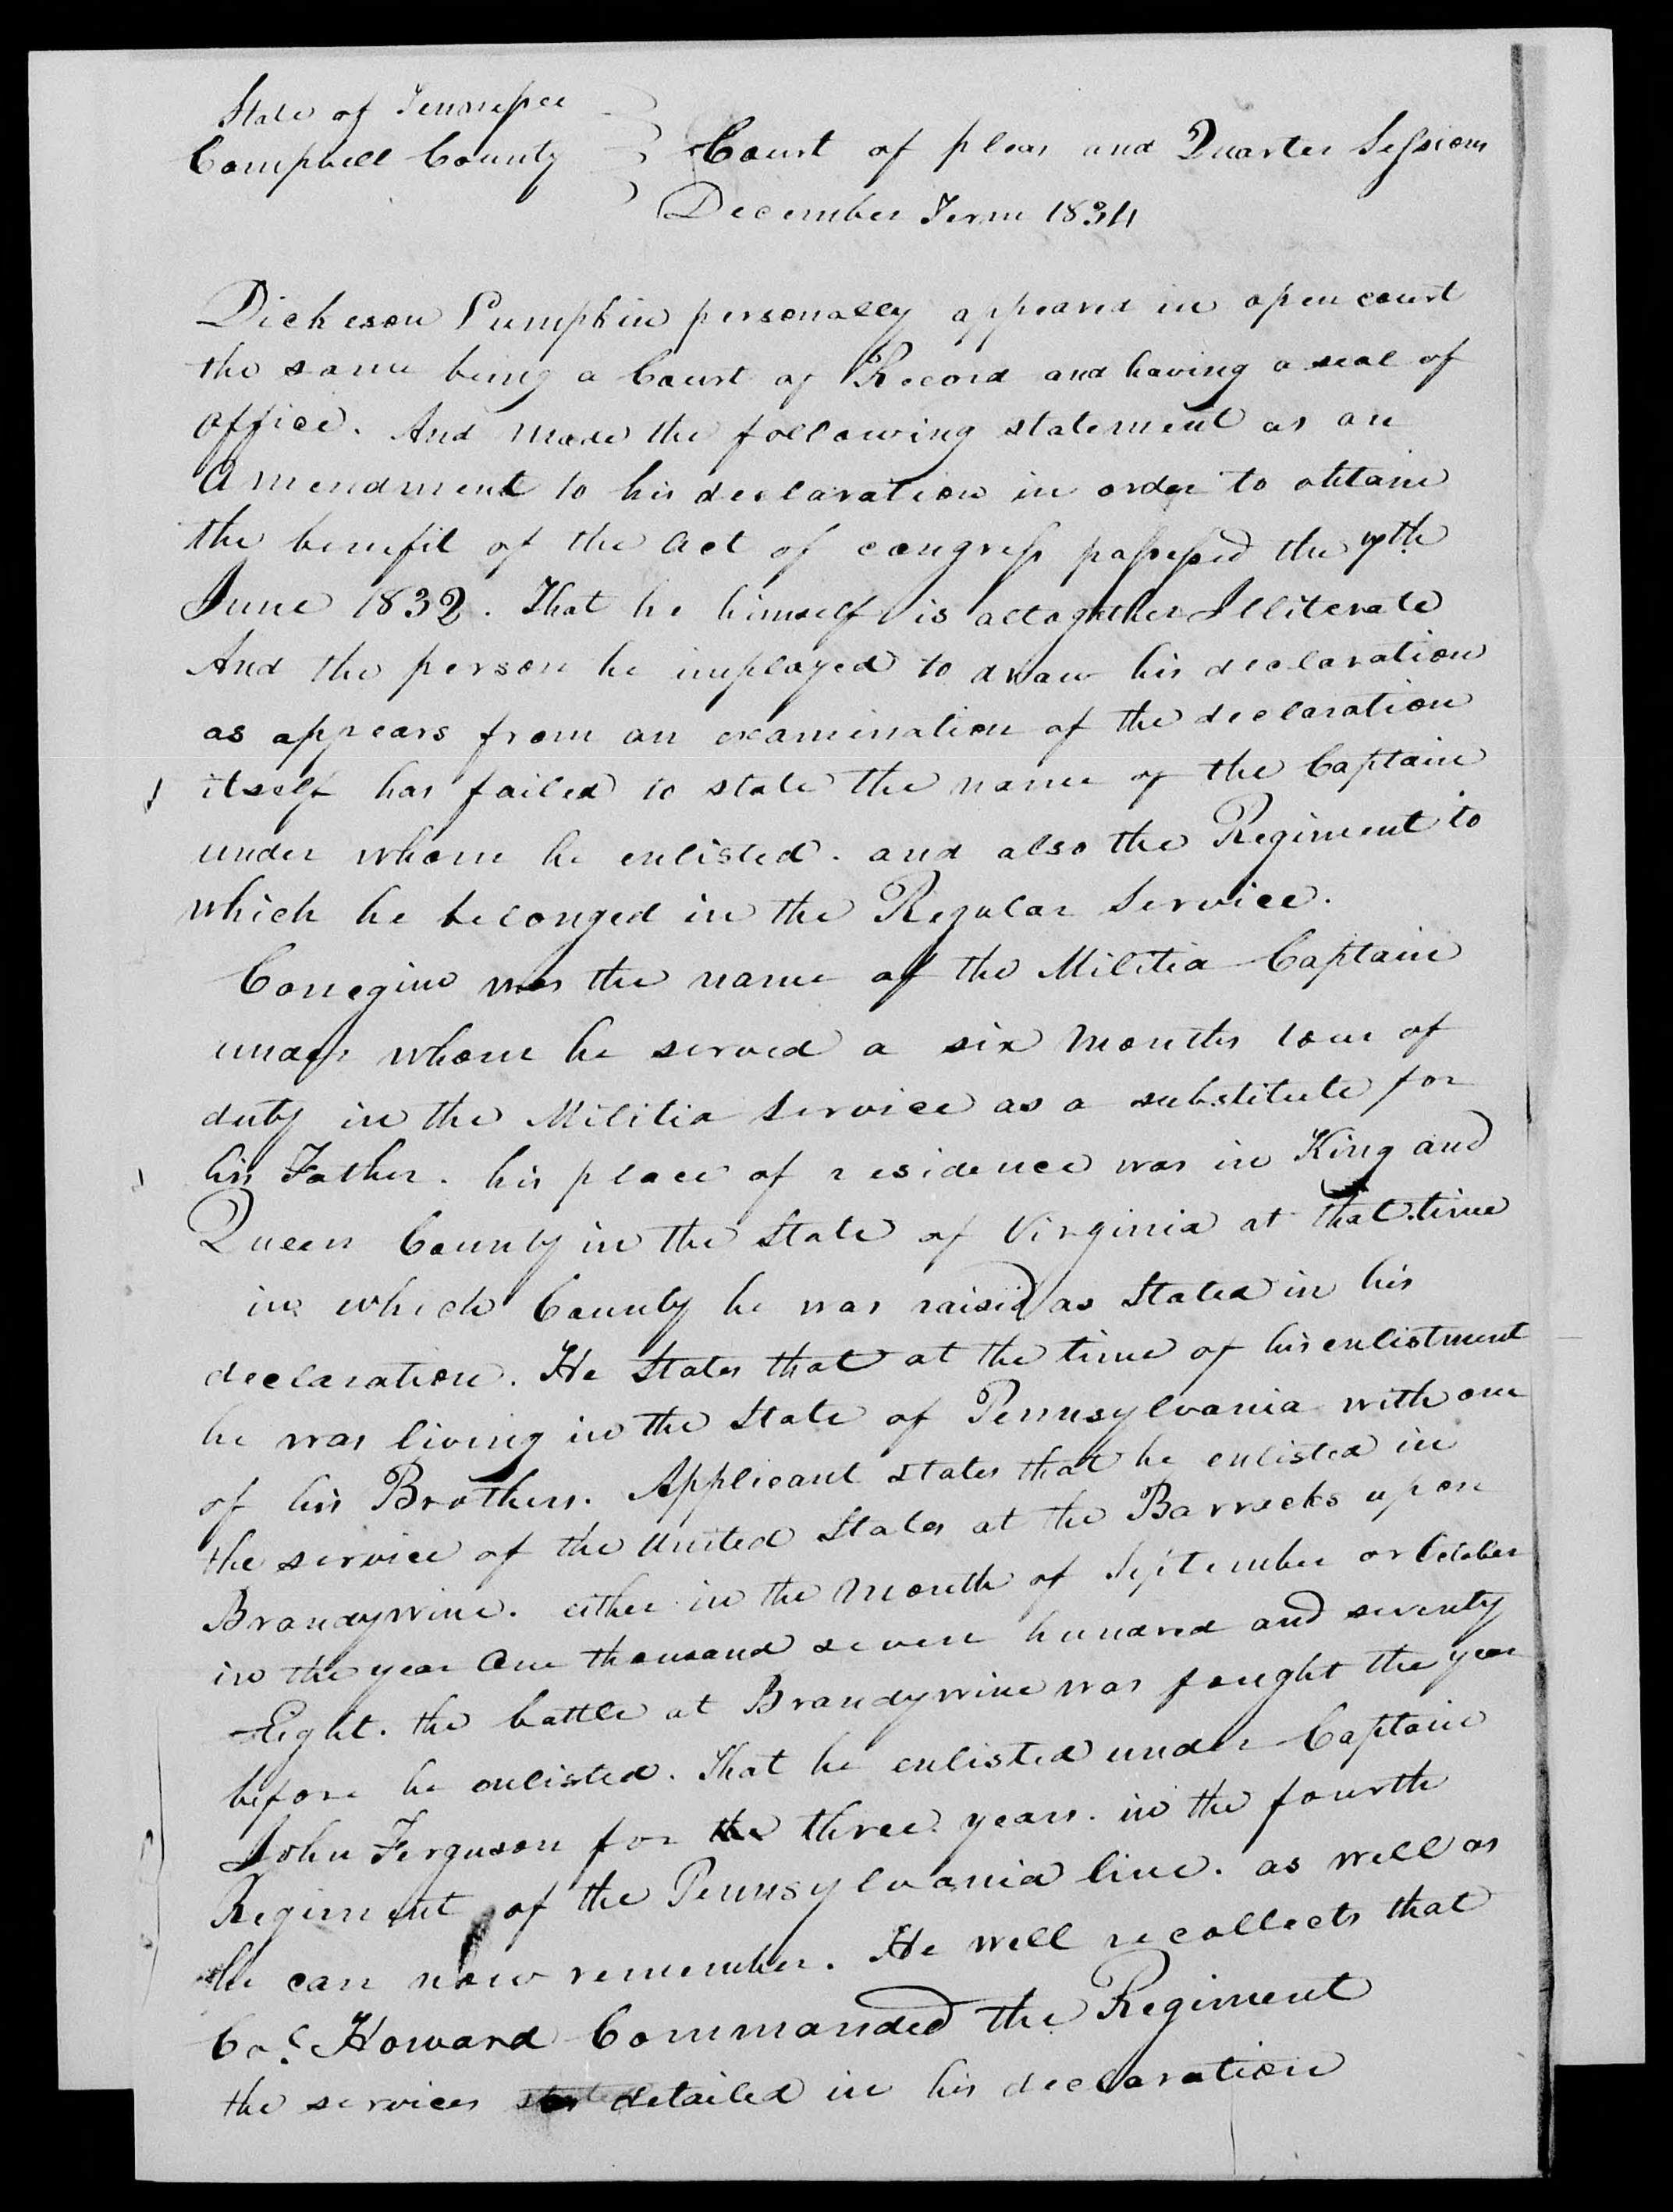(Handwritten document)

State of Tennessee}
Campbell County} Court of pleas and Quarter Sessions December Term 1834

Dickeson Lumpkin personally appeared in open court the same being a Court of Record and having a seal of office. And made the following statement as an amendment to his declaration in order to obtain the benefit of the act of Congress passed the 7th June 1832. That he himself is altogether Illiterate And the person he imployed to draw his declaration
as appears from an examination of the declaration itself has failed to state the name of the Captain under whom he enlisted. and also the Regiment to which he belonged in the Regular Service.

Corregine was the name of the Militia Captain
under whom he served a six months tour of
duty in the Militia service as a substitute for
his Fathe.  his place of residence was in King and Queens County in the State of Virginia at that time in which County he was raised as stated in his declaration. He states that at the time of his enlistment he was living in the State of Pennsylvania with one of
his Brothers.  Applicant states that he enlisted in the service of the United States at the Barracks upon Brandywine, either in the month of September or October in the year one thousand seven hundred and seventy
Eight.  the battle at Brandywine was fought the year before he enlisted. That he enlisted under Captain John Ferguson for (crossed out: the) three years.  in the fourth Regiment of the Pennsylvania line, as well as he can now remember.  He will recollects that Col.
Howard Commanded the Regiment the services detailed in his declaration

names: John Ferguson; Dickeson Lumpkin; [BLANK] Howard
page: 8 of 37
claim: rejected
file: R. 6521, for Dickeson Lumpkin, Pennsylvania